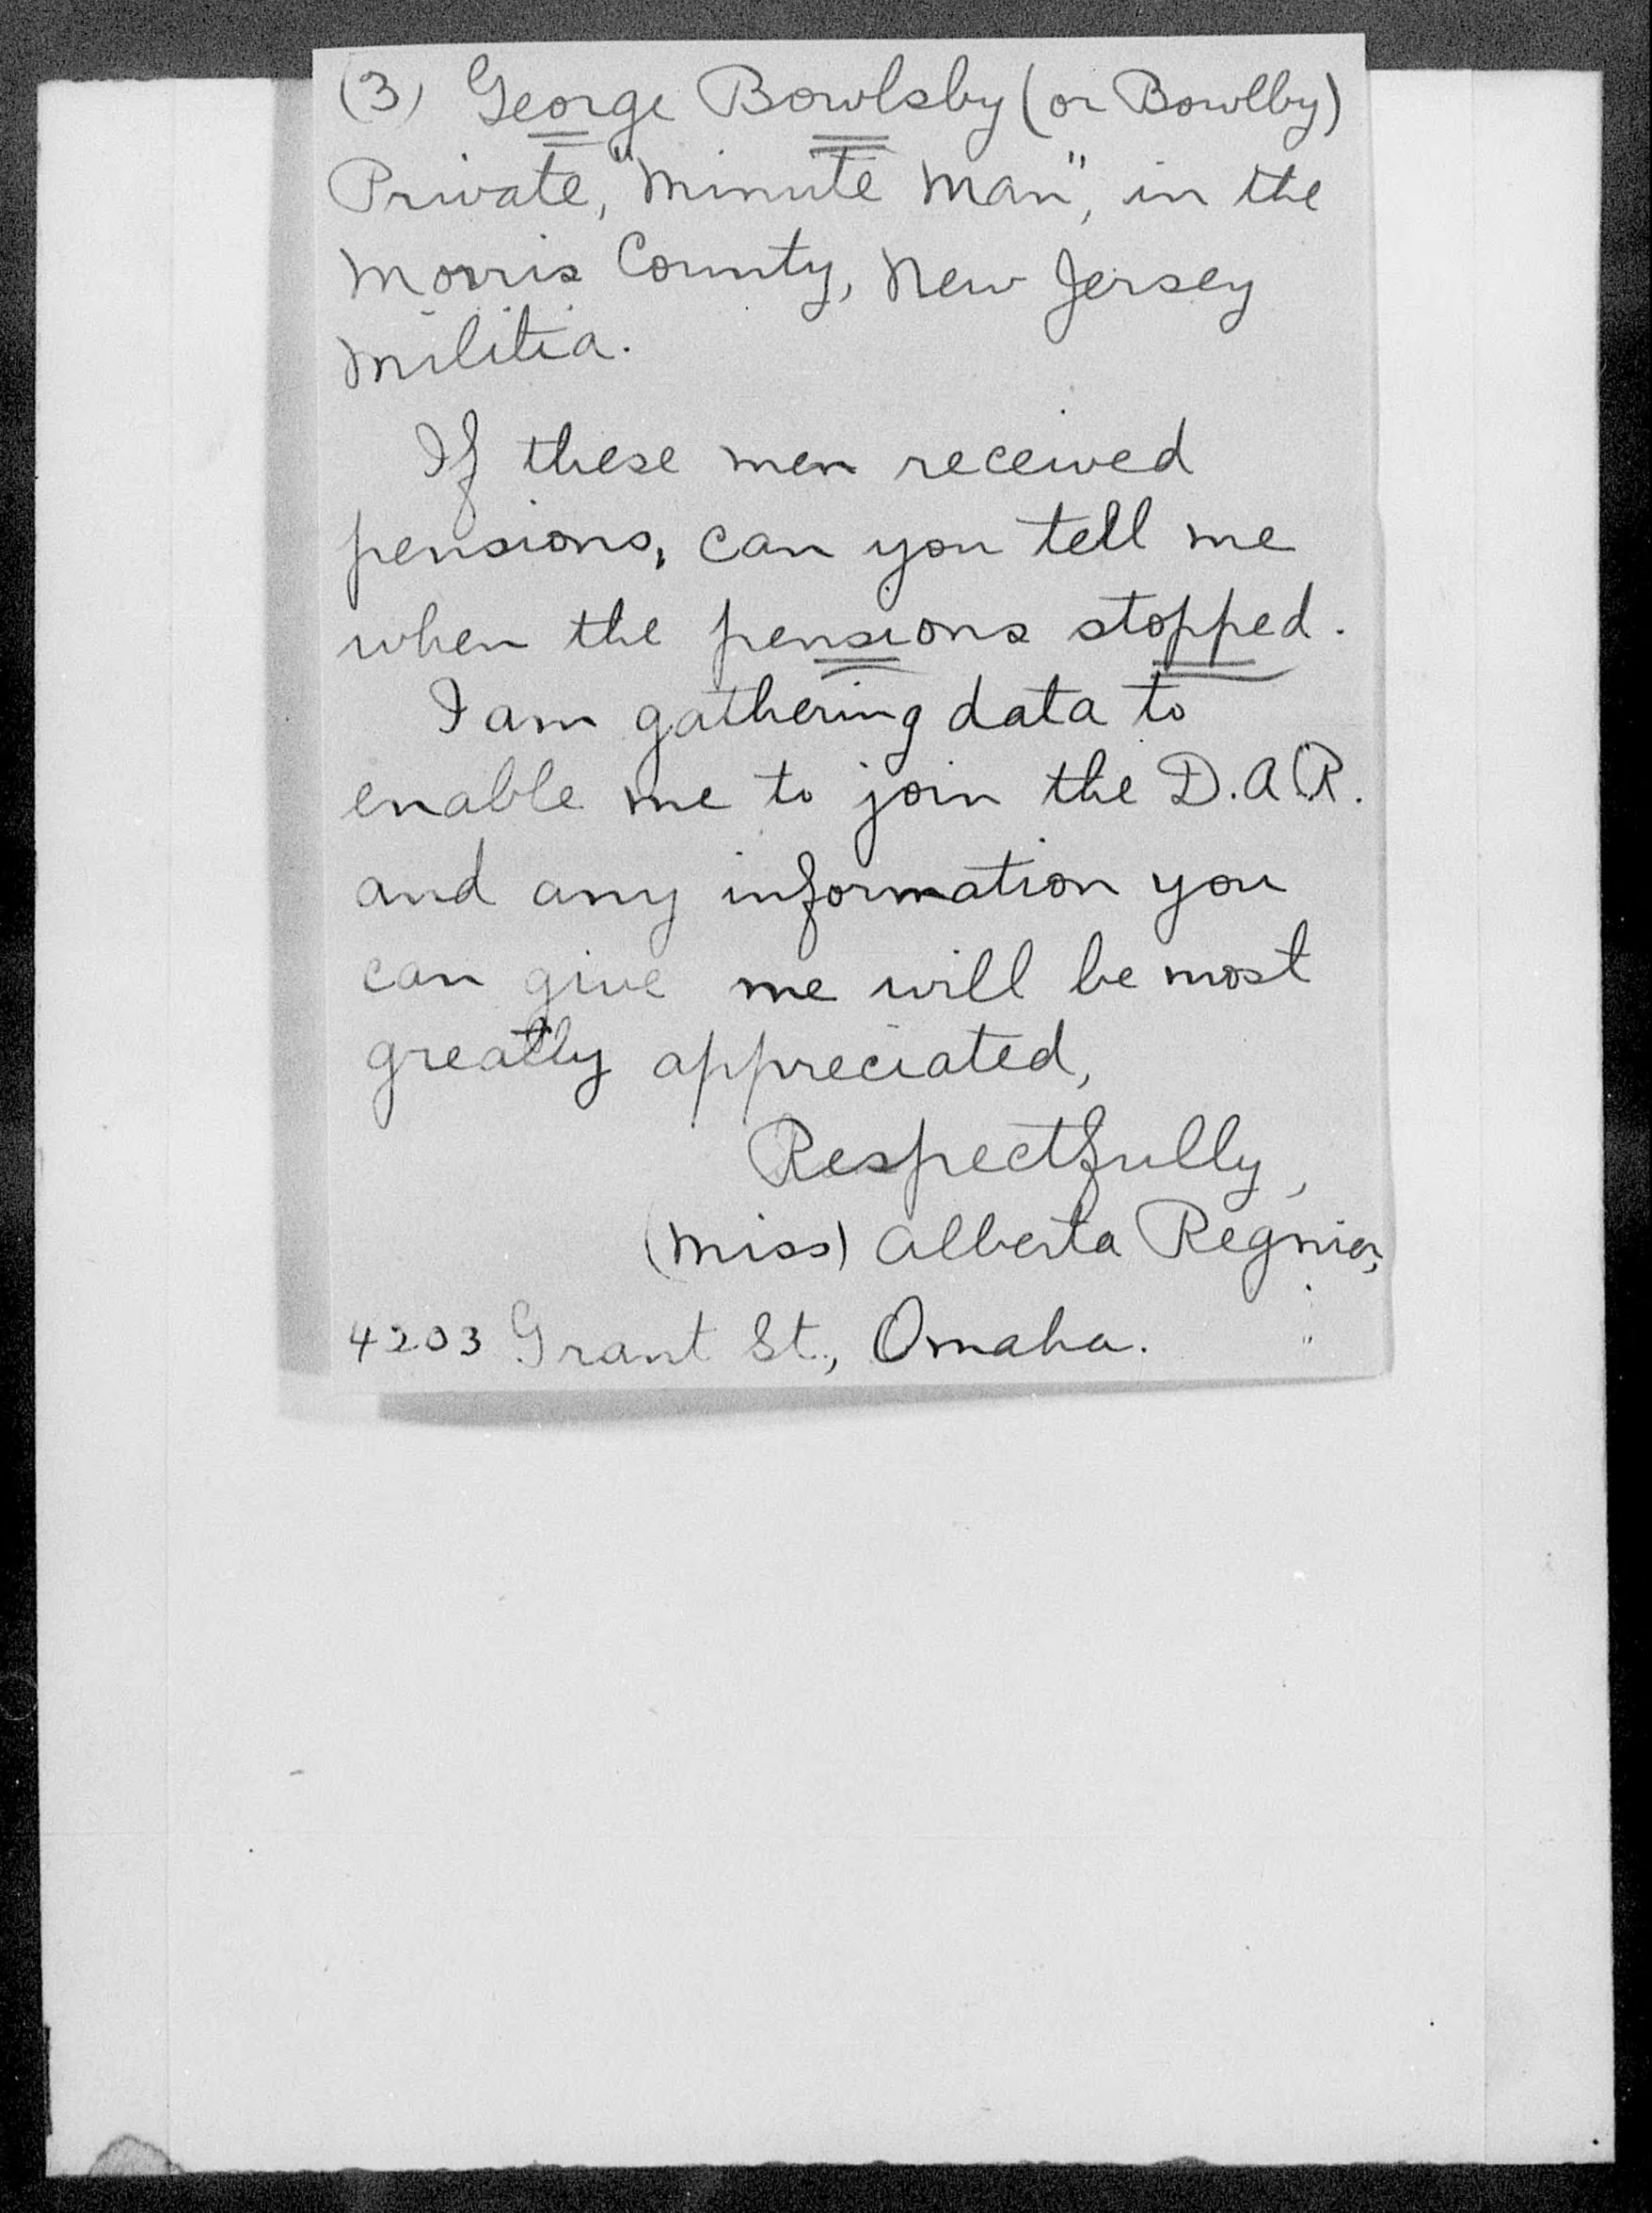(3) George Bowlsby (or Bowlby) Private, "minute man" in the Morris County, New Jersey militia.
If these men received pensions, can you tell me when the pensions stopped.
I am gathering data to enable me to join the D.A.R. and any information you can give me will be most greatly appreciated. Respectfully, (Miss) Alberta Regnier, 4203 Grant St, Omaha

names: Alberta Regnier, George Bowlby, George Bowlsby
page: 37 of 52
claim: survivor's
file: S. 34172, Morris D Camp, Continental (New Jersey)